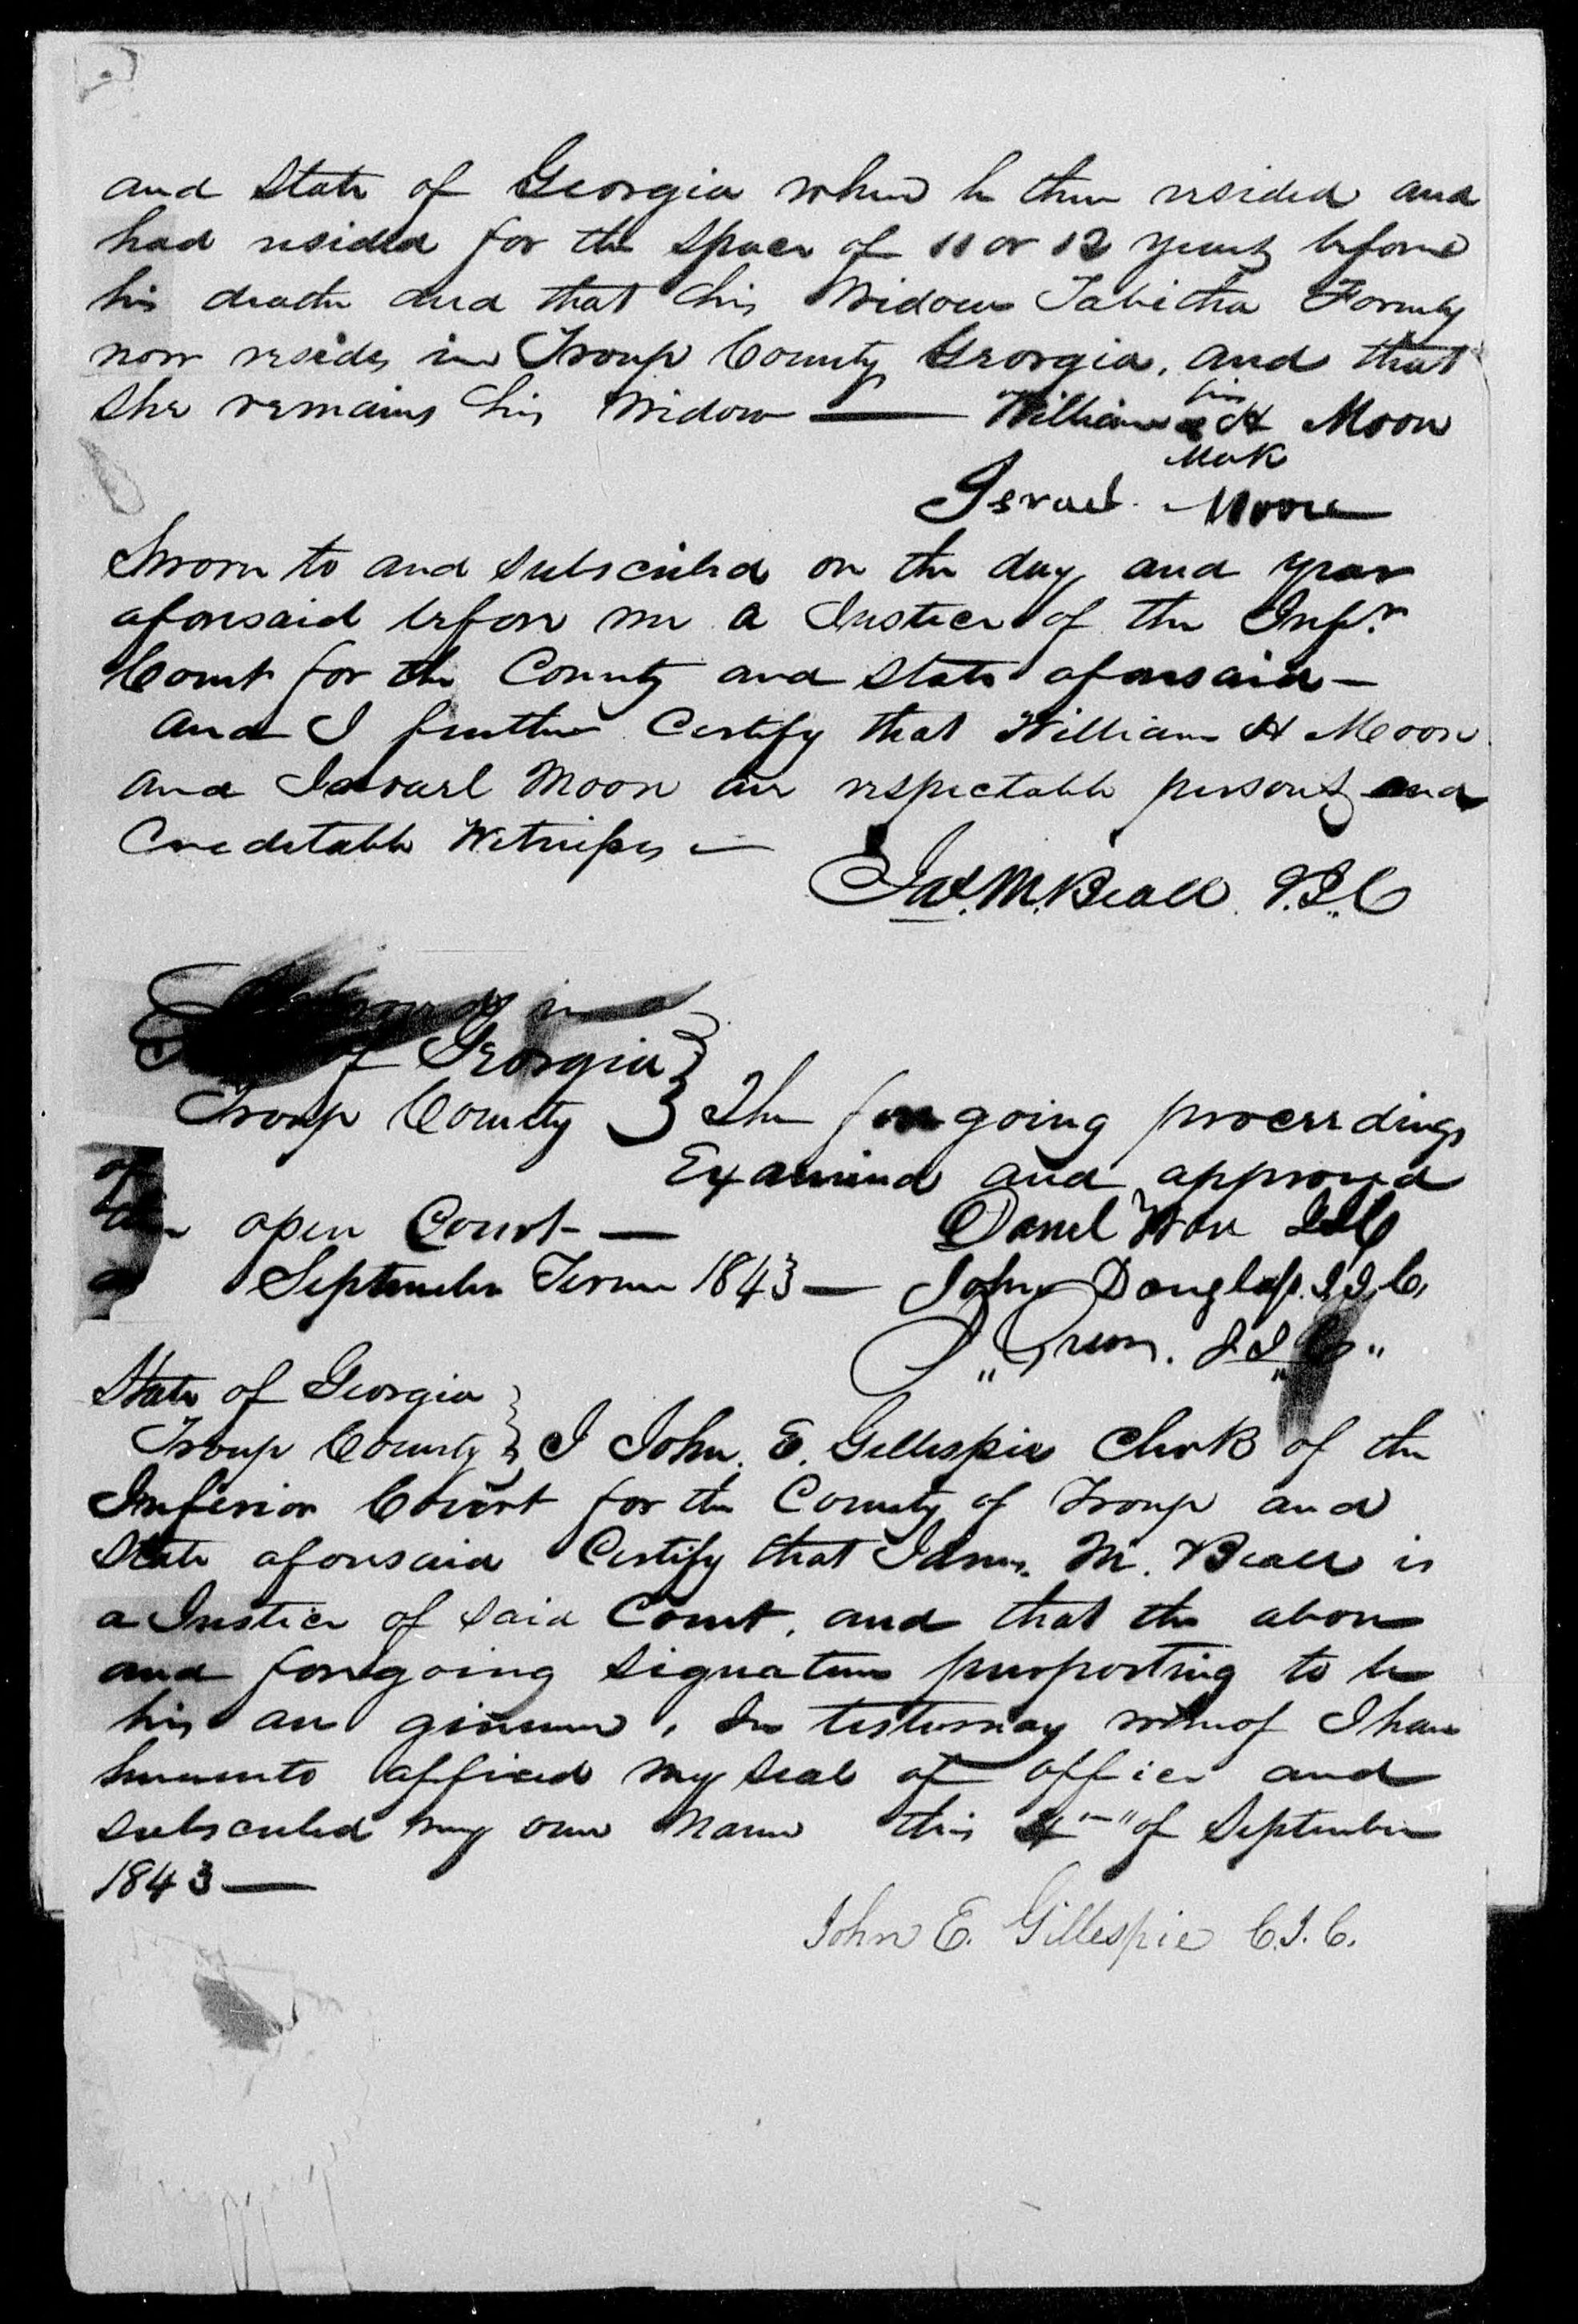and State of Georgia when he then resided and had resided for the space of 11 or 12 years before his death and that his widow Tabitha Formby now resides in Troup County Georgia, and that she remains his widow William H Moon
his X Mark
Israel Moore

Sworn to and subscribed on the day and year aforesaid before me a Justice of the Infr. Court for the County and State aforesaid - and I further certify that William H Moon and Israel Moon are respectable persons and Creditable Witnesses -
Ja. M. Beall J.J.C.

State of Georgia }
Troup County }
The foregoing proceedings Examined and approved in open Court-
September Term 1843-
Daniel Wan J.J.C.
John Douglass J.J.C.
State of Georgia
J Orson JJC

State of Georgia }
Troup County }
I John S. Gillespie Clerk of the Inferior Court for the County of Troup and State aforesaid Certify that James M. Beall is a Justice of said Court, and that the above foregoing signature purporting to be his an given. In testimony whereof I have hereunto affixed my seal of office and subscribed my own name  this 4th of September 1843-
John E. Gillespie C.J.C.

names: John E Gillespie, James M Beall, Jas M Beall, William H Moore, Israel Moore, Danel Wan, Tabitha Formby, P Orson, Israel Moore, William H Moore, John E Gillespie, John Douglass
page: 12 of 54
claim: widow's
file: W. 3794, Nathan Formby, Va.